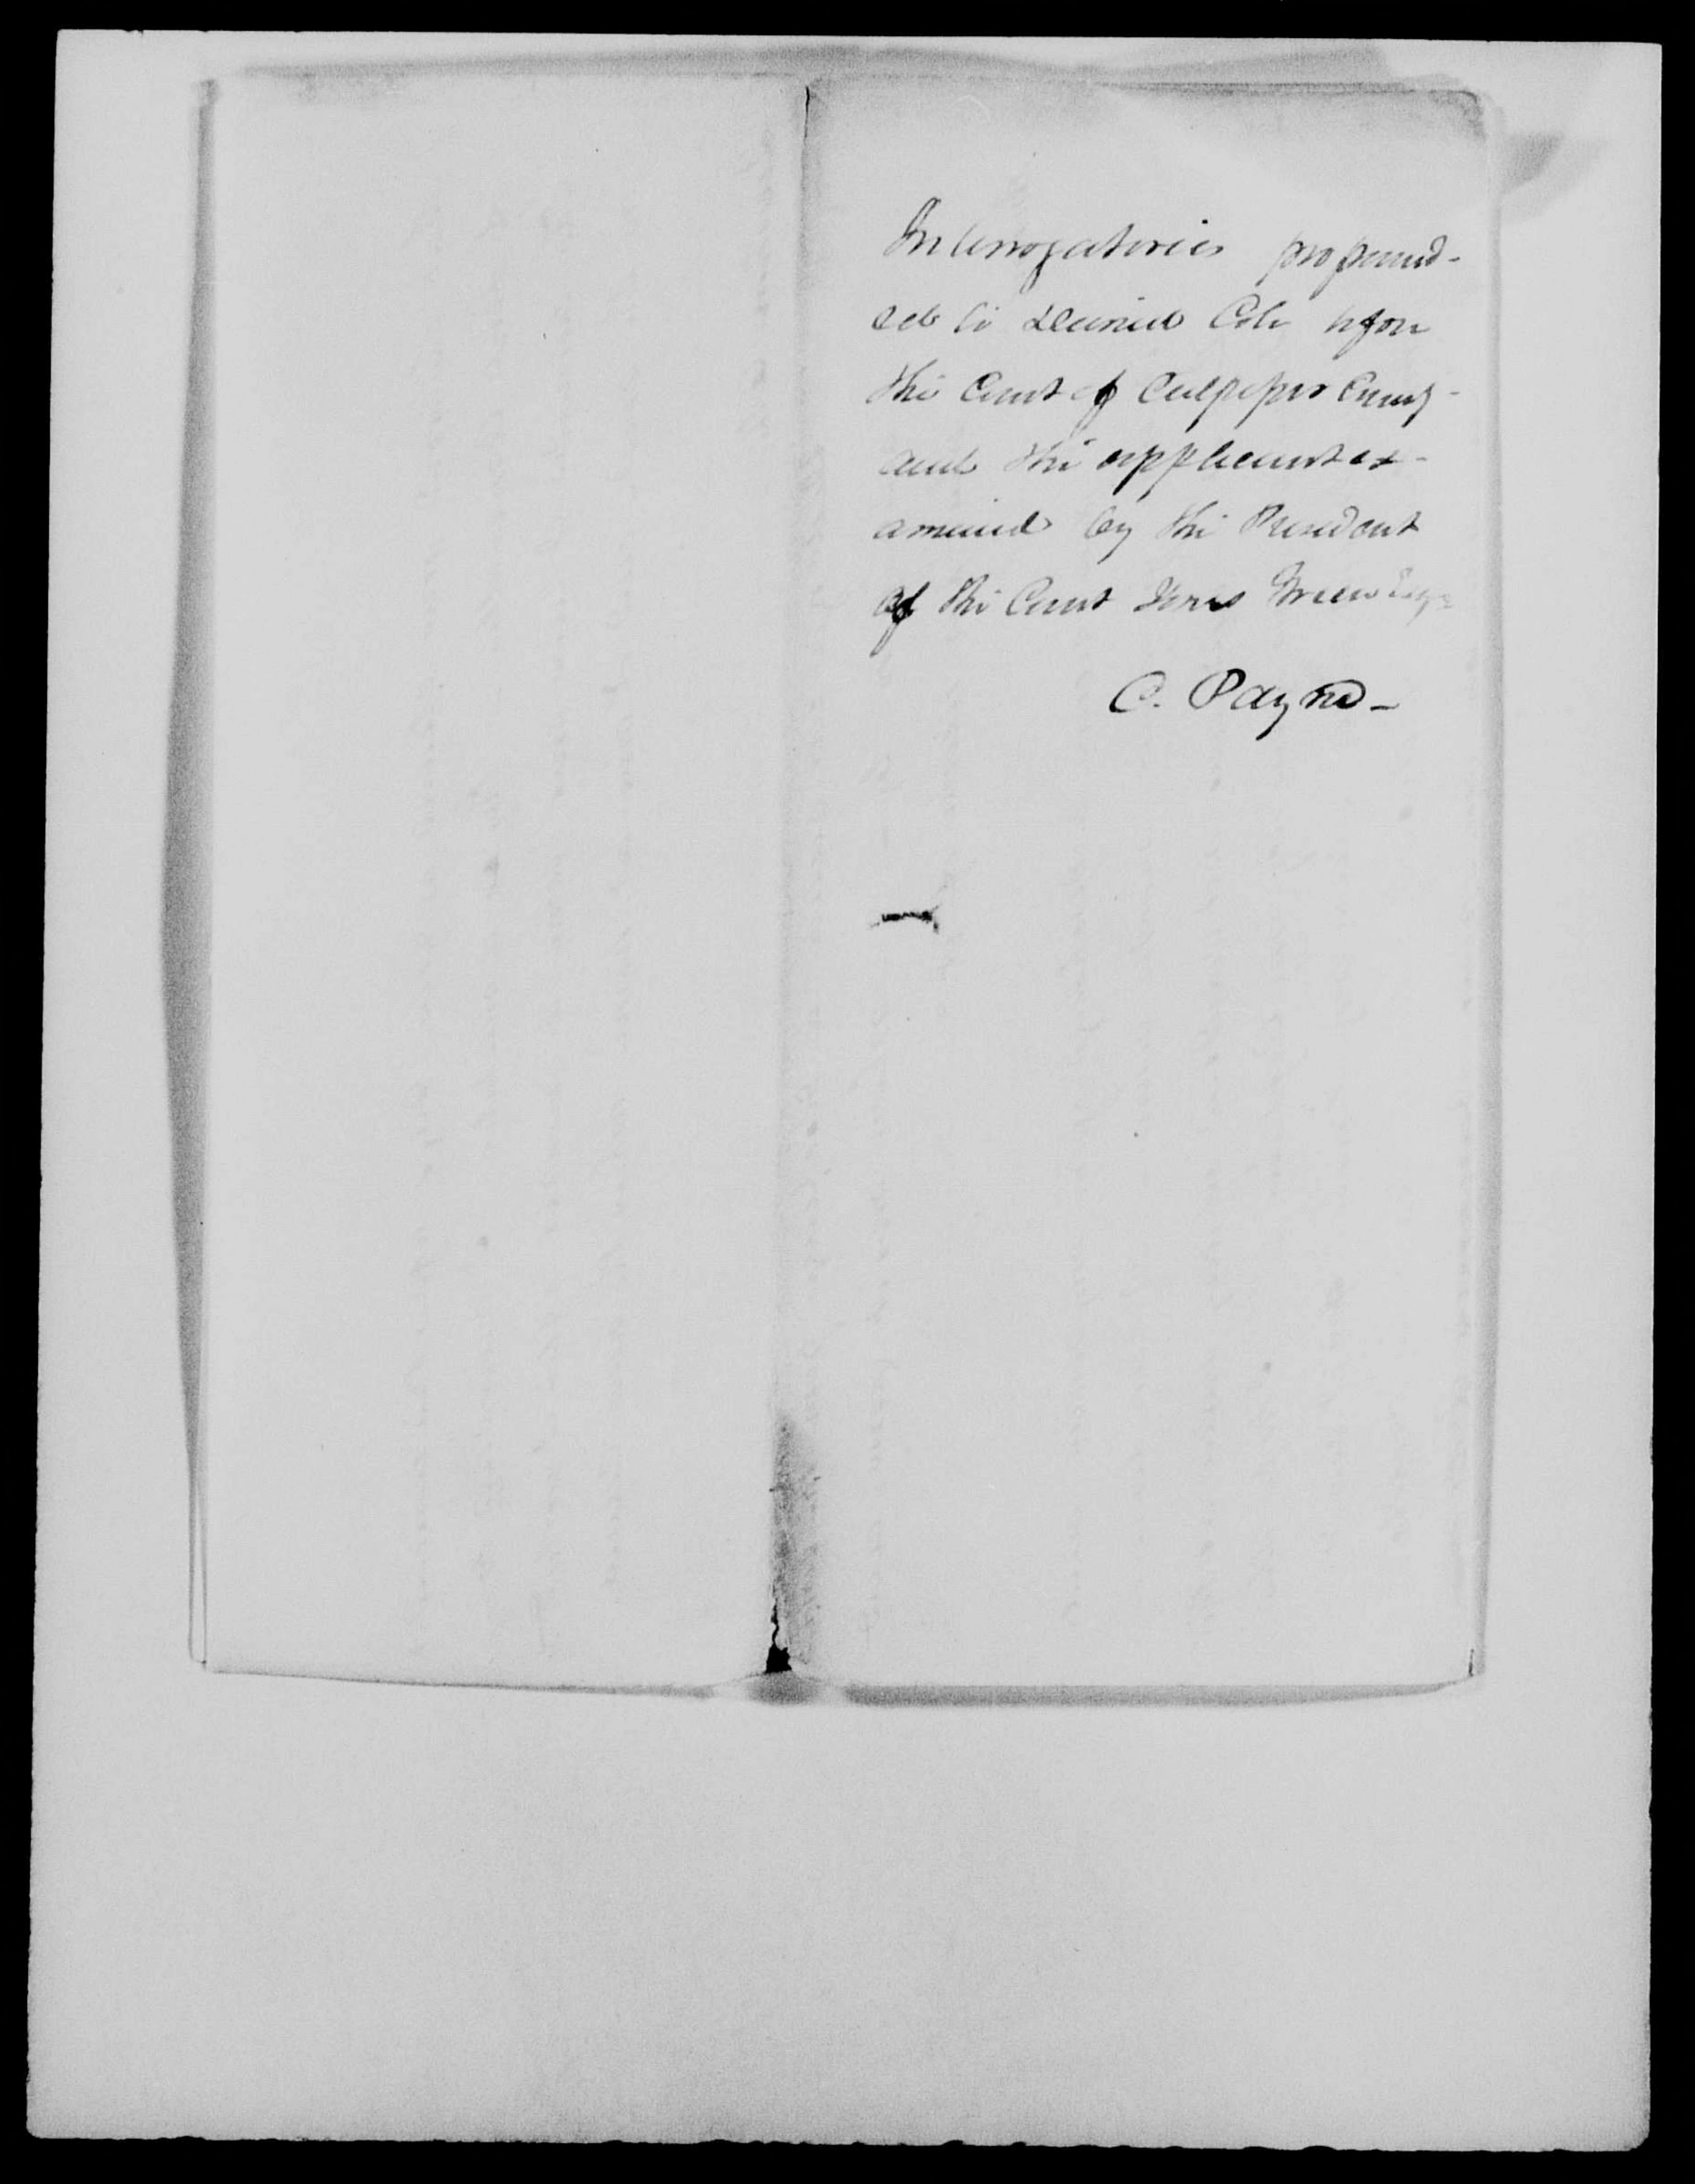Interrogatories propound
[illegible]to Daniel Cole before
the Court of Culpeper County
and the applicant examined by the President
of the Court [illegible] Green Esq
C. Payne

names: C Payne, Daniel Cole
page: 21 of 61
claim: survivor's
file: S. 8236, Daniel Cole, Va.